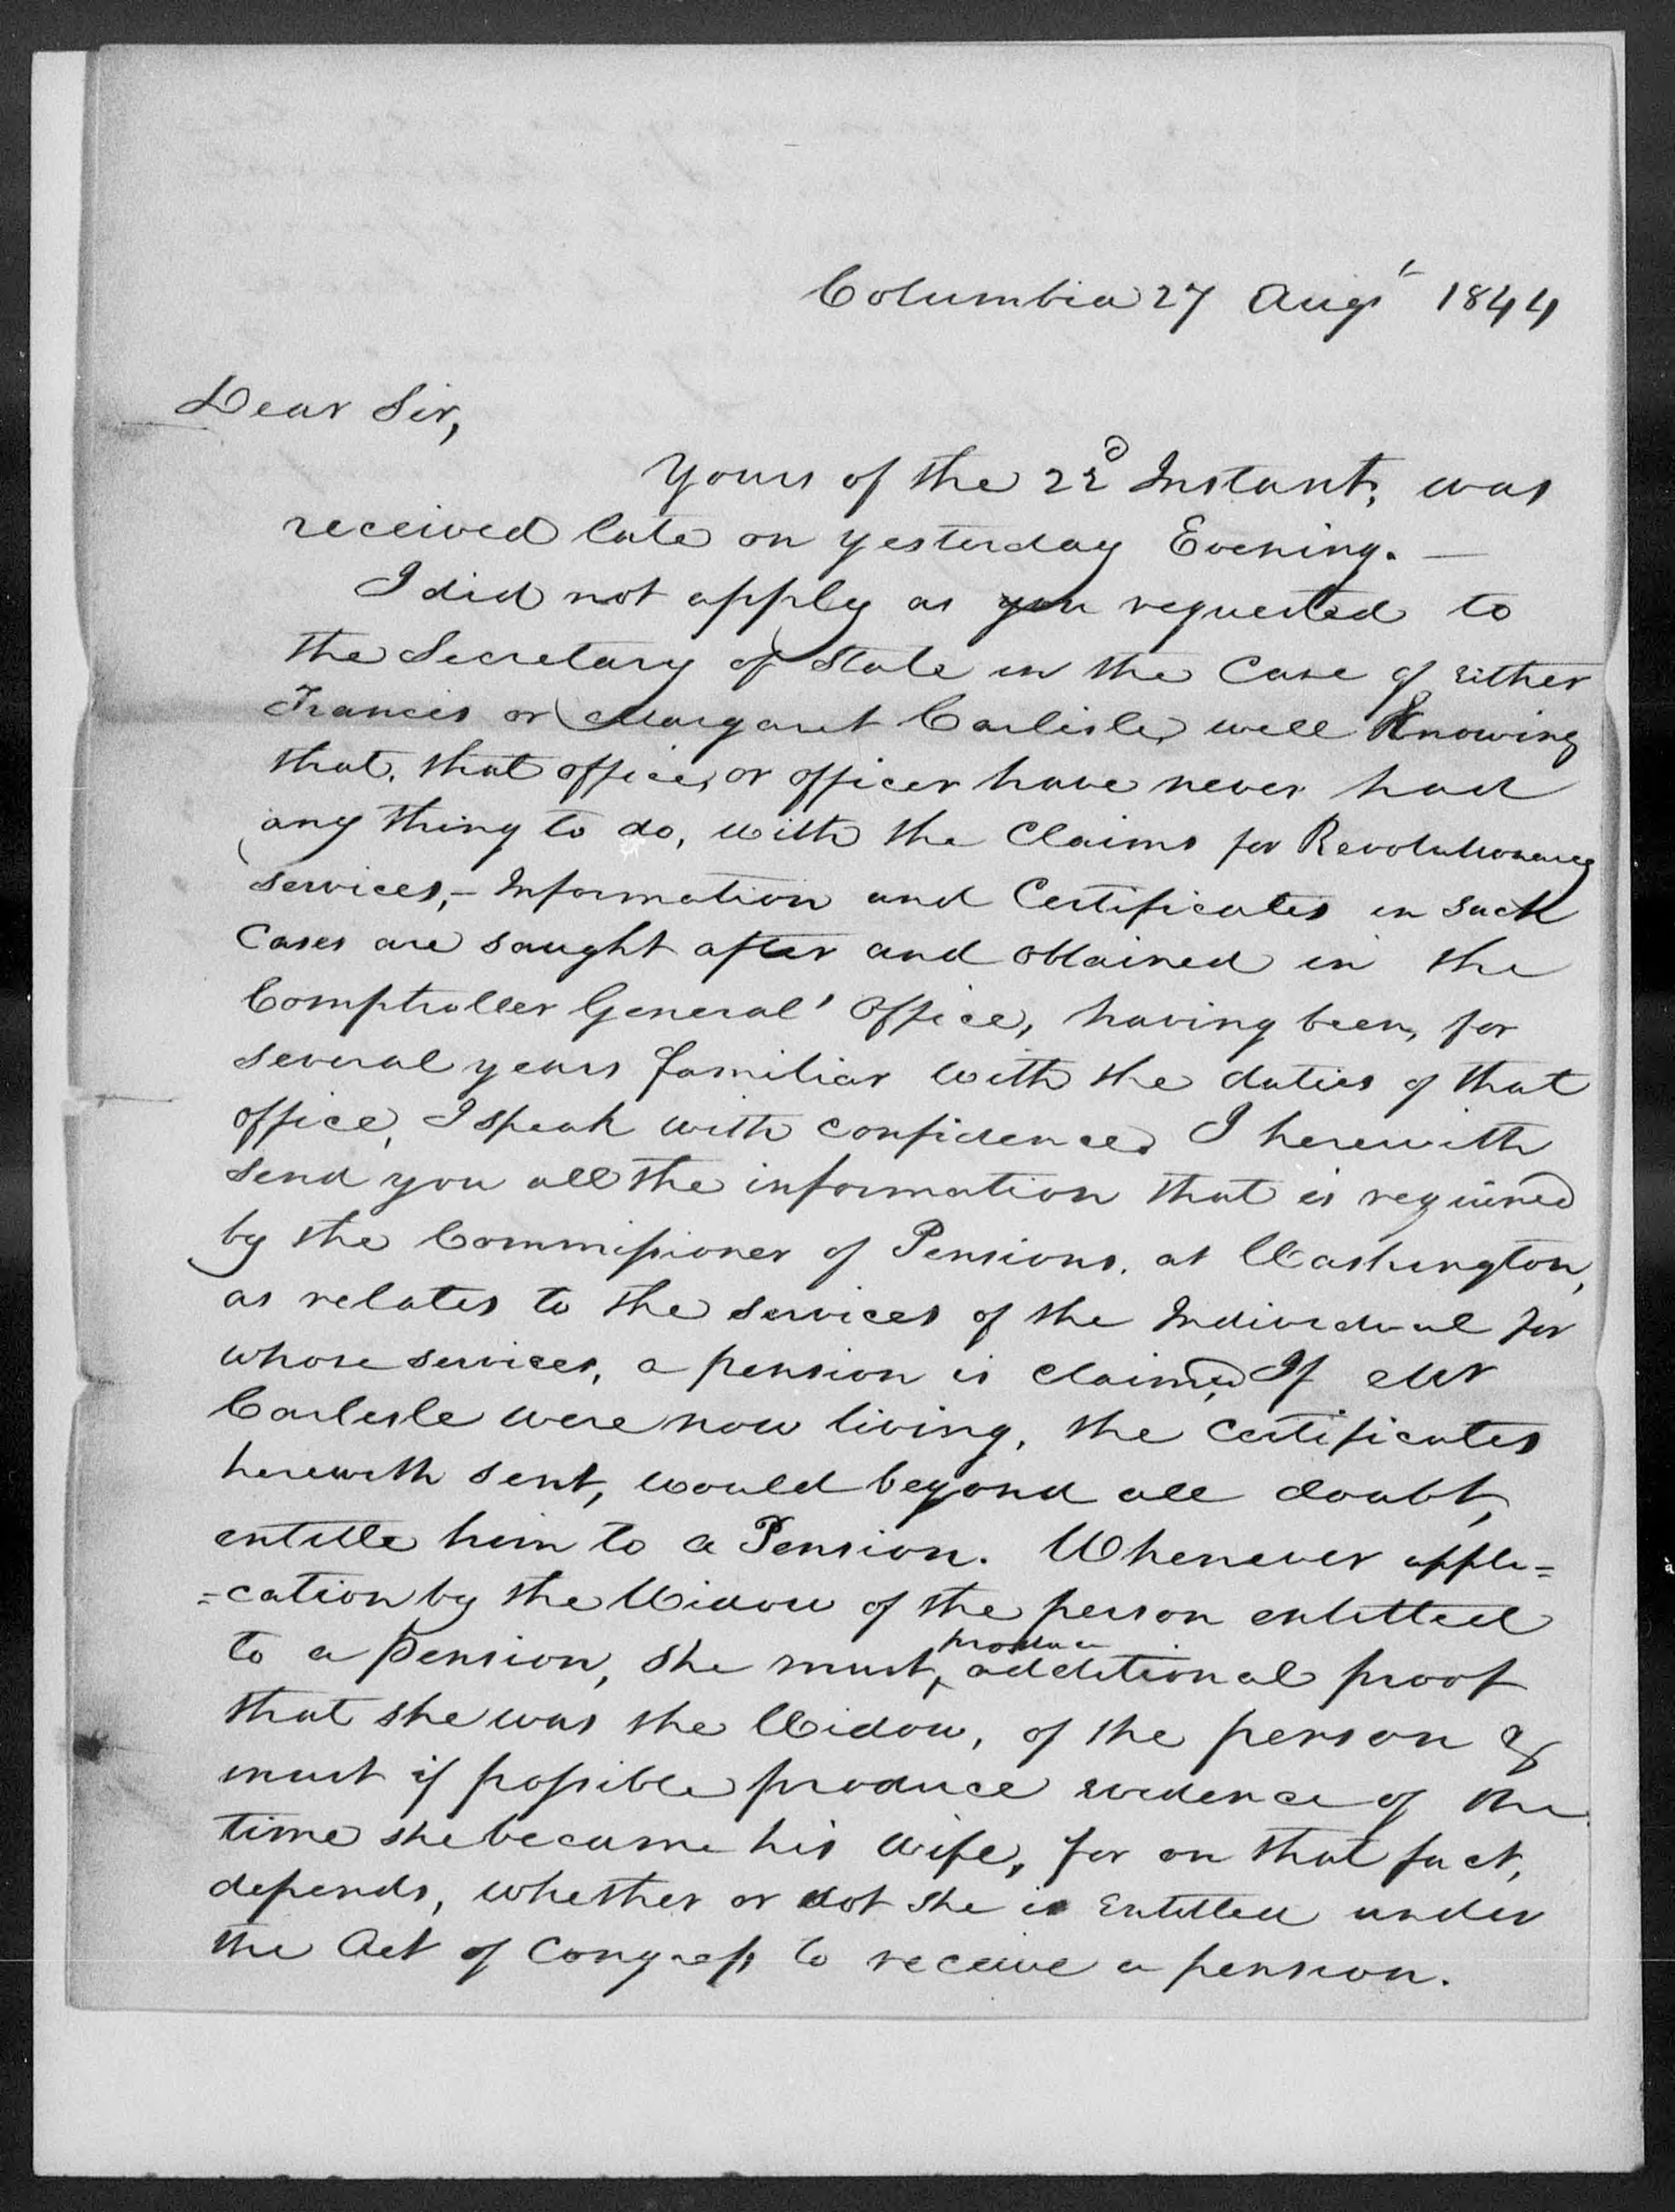Columbia 27 Aug 1844
Dear Sir
Yours of the 22d Instant, was received late on yesterday Evening.-

I did not apply as you requested to the Secretary of State in the case of either Francis or Margaret Carlisle well knowing that, that office or officer have never had anything to do with the claims for Revolutionary services - information and certifications cases are sought after and obtained in the
Comptroller Generals Office, having been, for several years familiar with the duties of that office. I speak with confidence. I herewith send you all the information that is required by the Commissioner of Pensions at Washington as relates to the services of the Individual for whose services, a pension is claimed If Mr. Carlisle were now living, the certificates herewith sent, would beyond all doubt entitle him to a Pension. Whenever application by the Widow of the person entitled to a pension, she must produce additional proof that she was the Widow, of the person & must if possible produce evidence of the time she became his wife, for on that fact depends, whether or not she is entitled under the
act of Congress to receive a pension.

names: Francis Carlisle, Carlisle, Margaret Carlisle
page: 83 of 91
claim: widow's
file: W. 10576, Francis Carlisle, S.C.